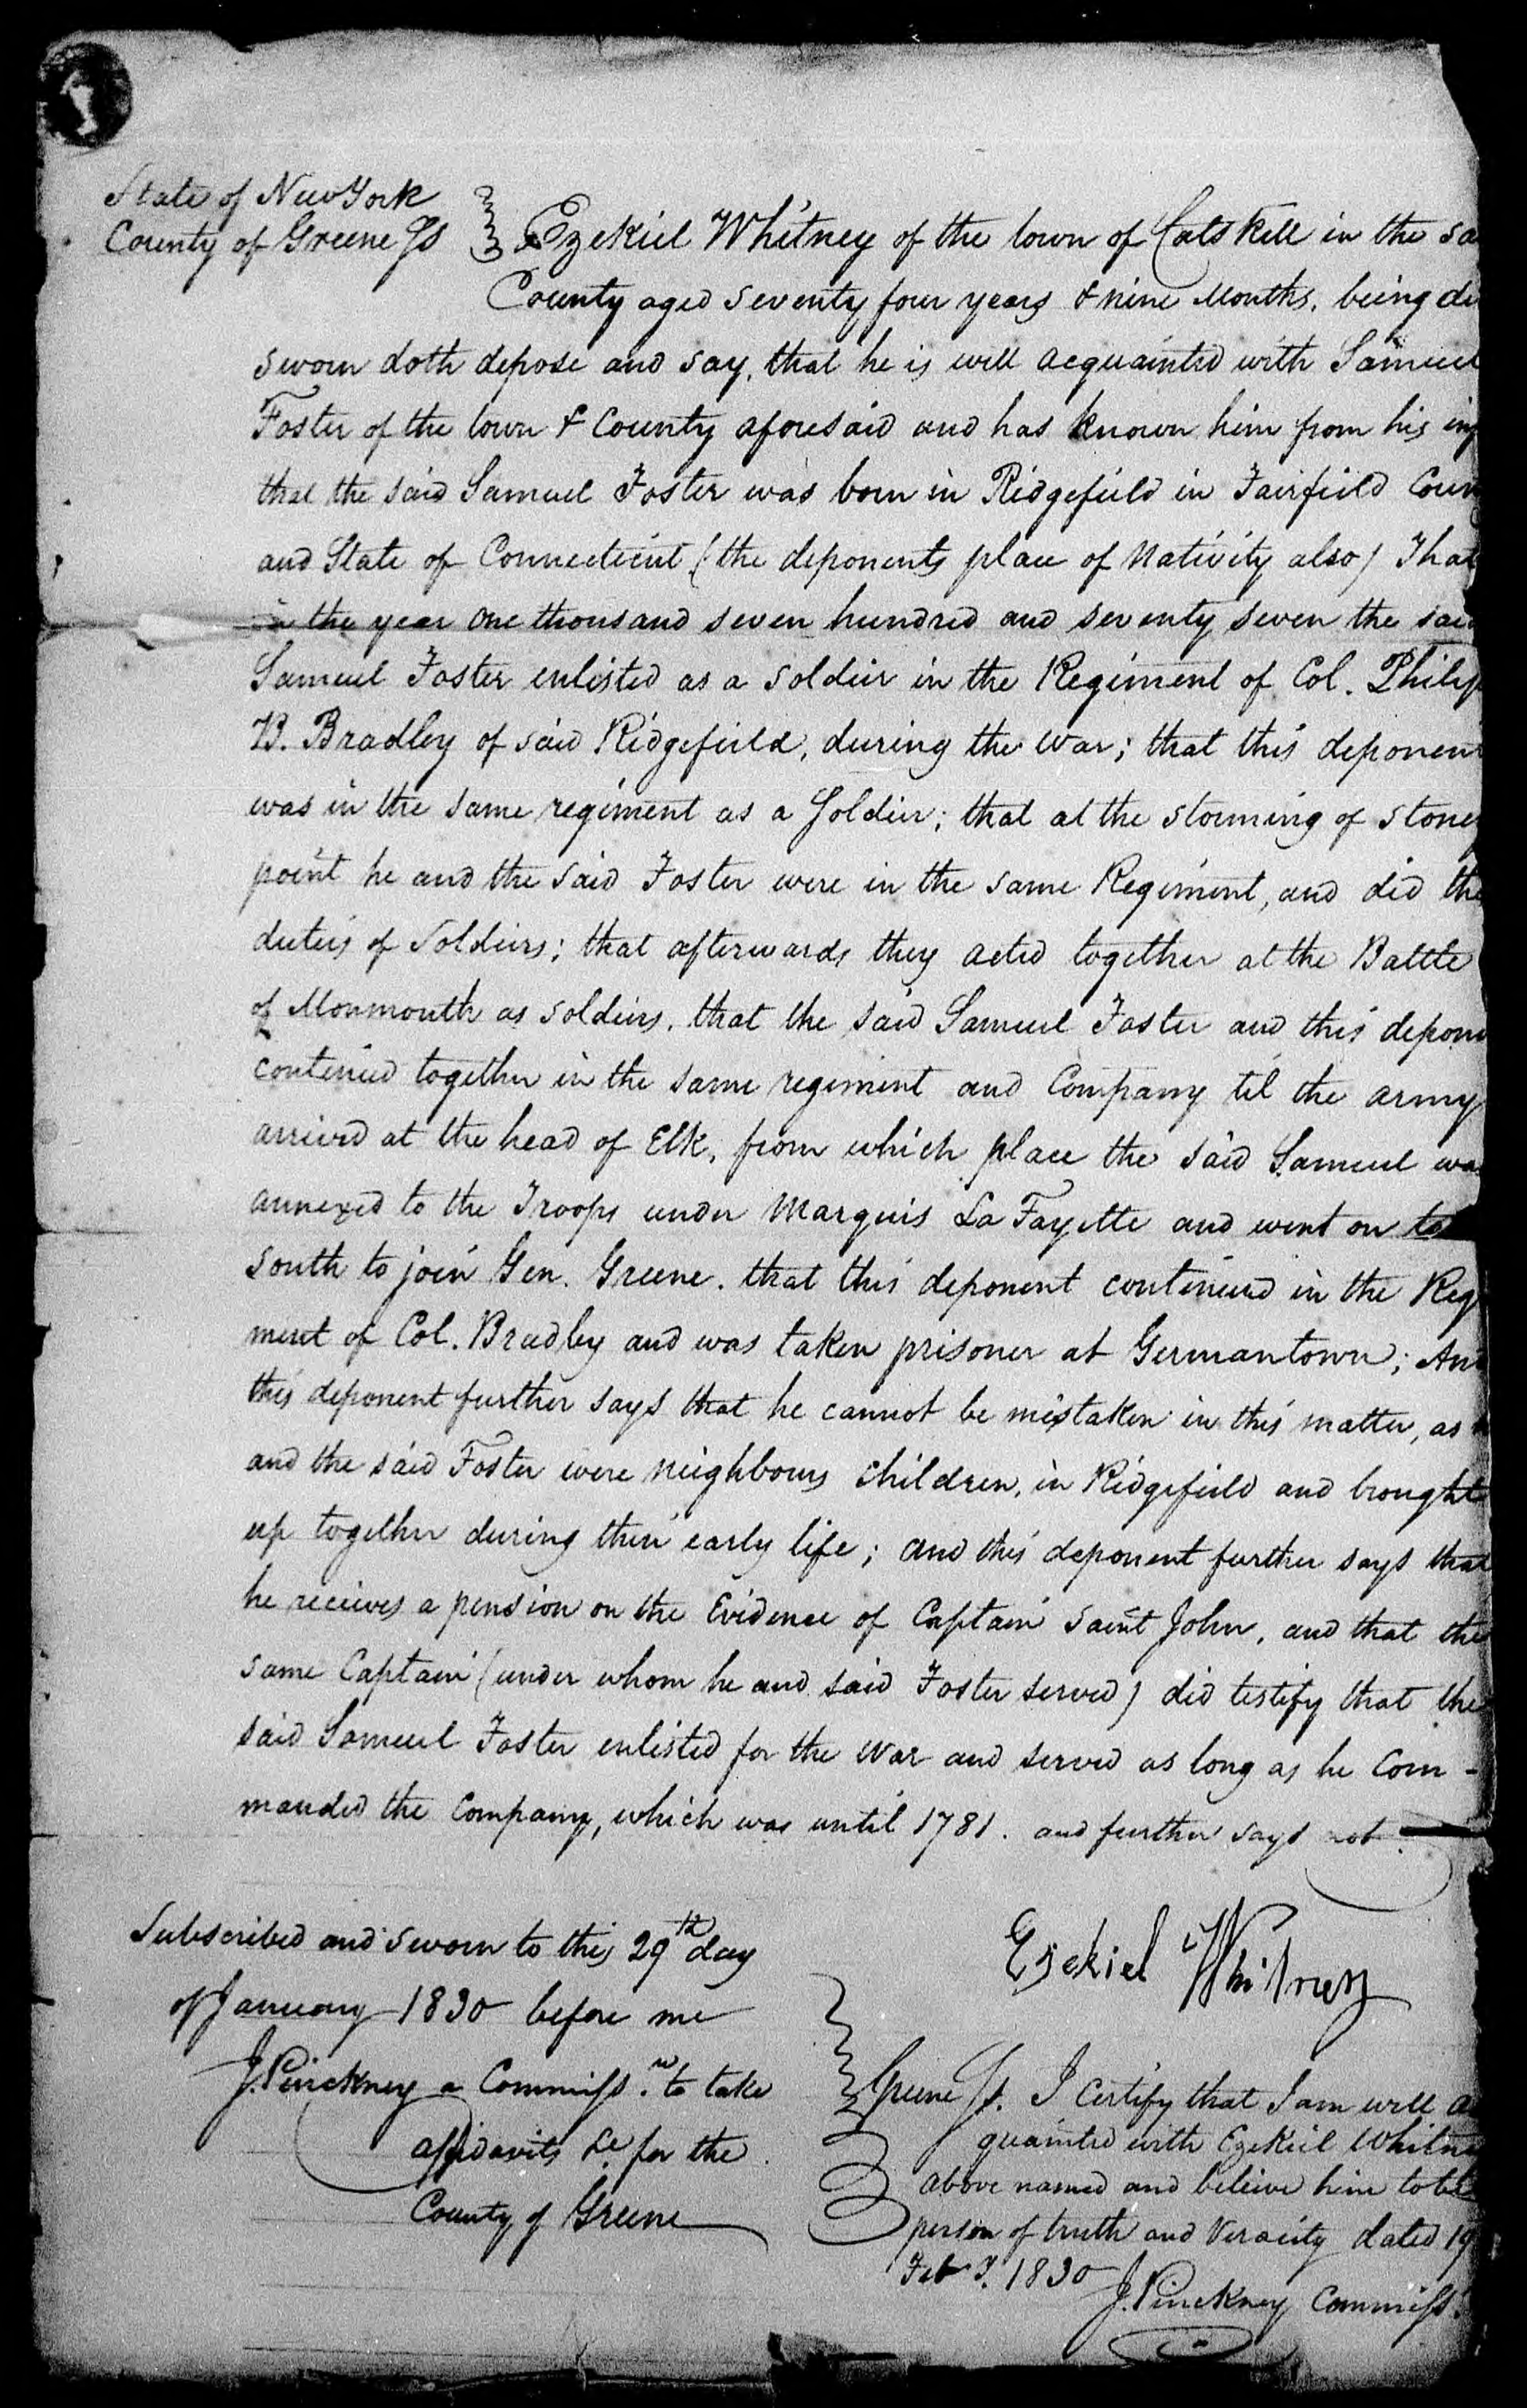[right edge of page is missing]
State of New York
County of Greene SS }
Ezekiel Whitney of the town of Catskill in the sa[word cut off]
County aged seventy four years & nine months being du[word cut off]
sworn doth depose and say that he is well acquainted with Samuel Foster of the town & county aforesaid and has known him from his in[word cut off]
that the said Samuel Foster was born in Ridgefield in Fairfield Coun[word cut off]
and state of Connecticut (the deponents place of nativity also) That in the year one thousand and seven hundred and seventy seven the sai[word cut off] Samuel Foster enlisted as a soldier in the Regiment of Col. Philip B. Bradley of said Ridgefield during the was; that this deponents was in the same regiment as a Soldier; that at the storming of Stony point he and the said Foster were in the same Regiment and did the duties of Soldiers; that afterwards they acted together at the Battle of Monmouth as Soldiers, that the said Samuel Foster and this depone[word cut off] continued together in the same Regiment and Company til the army arrived at the head of Elk, from which place the said Samuel was annexed to eh Troops under Marquis La Fayette and went on to South to join Gen. Greene.that this deponent continued in the Regiment of Col. Bradley and was taken prisoner at Germantown; And this deponents further says that he cannot be mistaken in this matter, as he and the said Foster were neighbours children, in Ridgefield and brought up together during their early life; and this deponent further says that he received a pension on the Evidence of Captain Saint John, and that this same Captain (under whom he and said Foster served) did testify that the said Samuel Foster enlisted for the War an served as long as he com-manded the company, which was until 1781 and further says [illegible]
[signed] Ezekiel Whitney
Subscribed and sworn to this 29th day of January 1830 before me
[signed] J. Pinckney a Commiss.er to take affidavits for the County of Greene } Greene SS. I certify that I am well a[word cut off]
quainted with Ezekiel Whitney above named and believe him to be person of truth and veracity dated 19 Feby. 1830
[signed] J. Pinckney Commiss.er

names: Ezekiel Whitny, Marquis La Fayette, J Pinckney, Samuel Foster, J Pinckney, Foster, Saint John, Ezekiel Whitney, Samuel Foster, Greene, Samuel Foster, Foster, Samuel Foster, Foster, Bradley, Samuel, Ezekiel Whitney, Philip B Bradley, Samuel Foster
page: 43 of 54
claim: survivor's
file: S. 13,043, Samuel Foster, Conn.